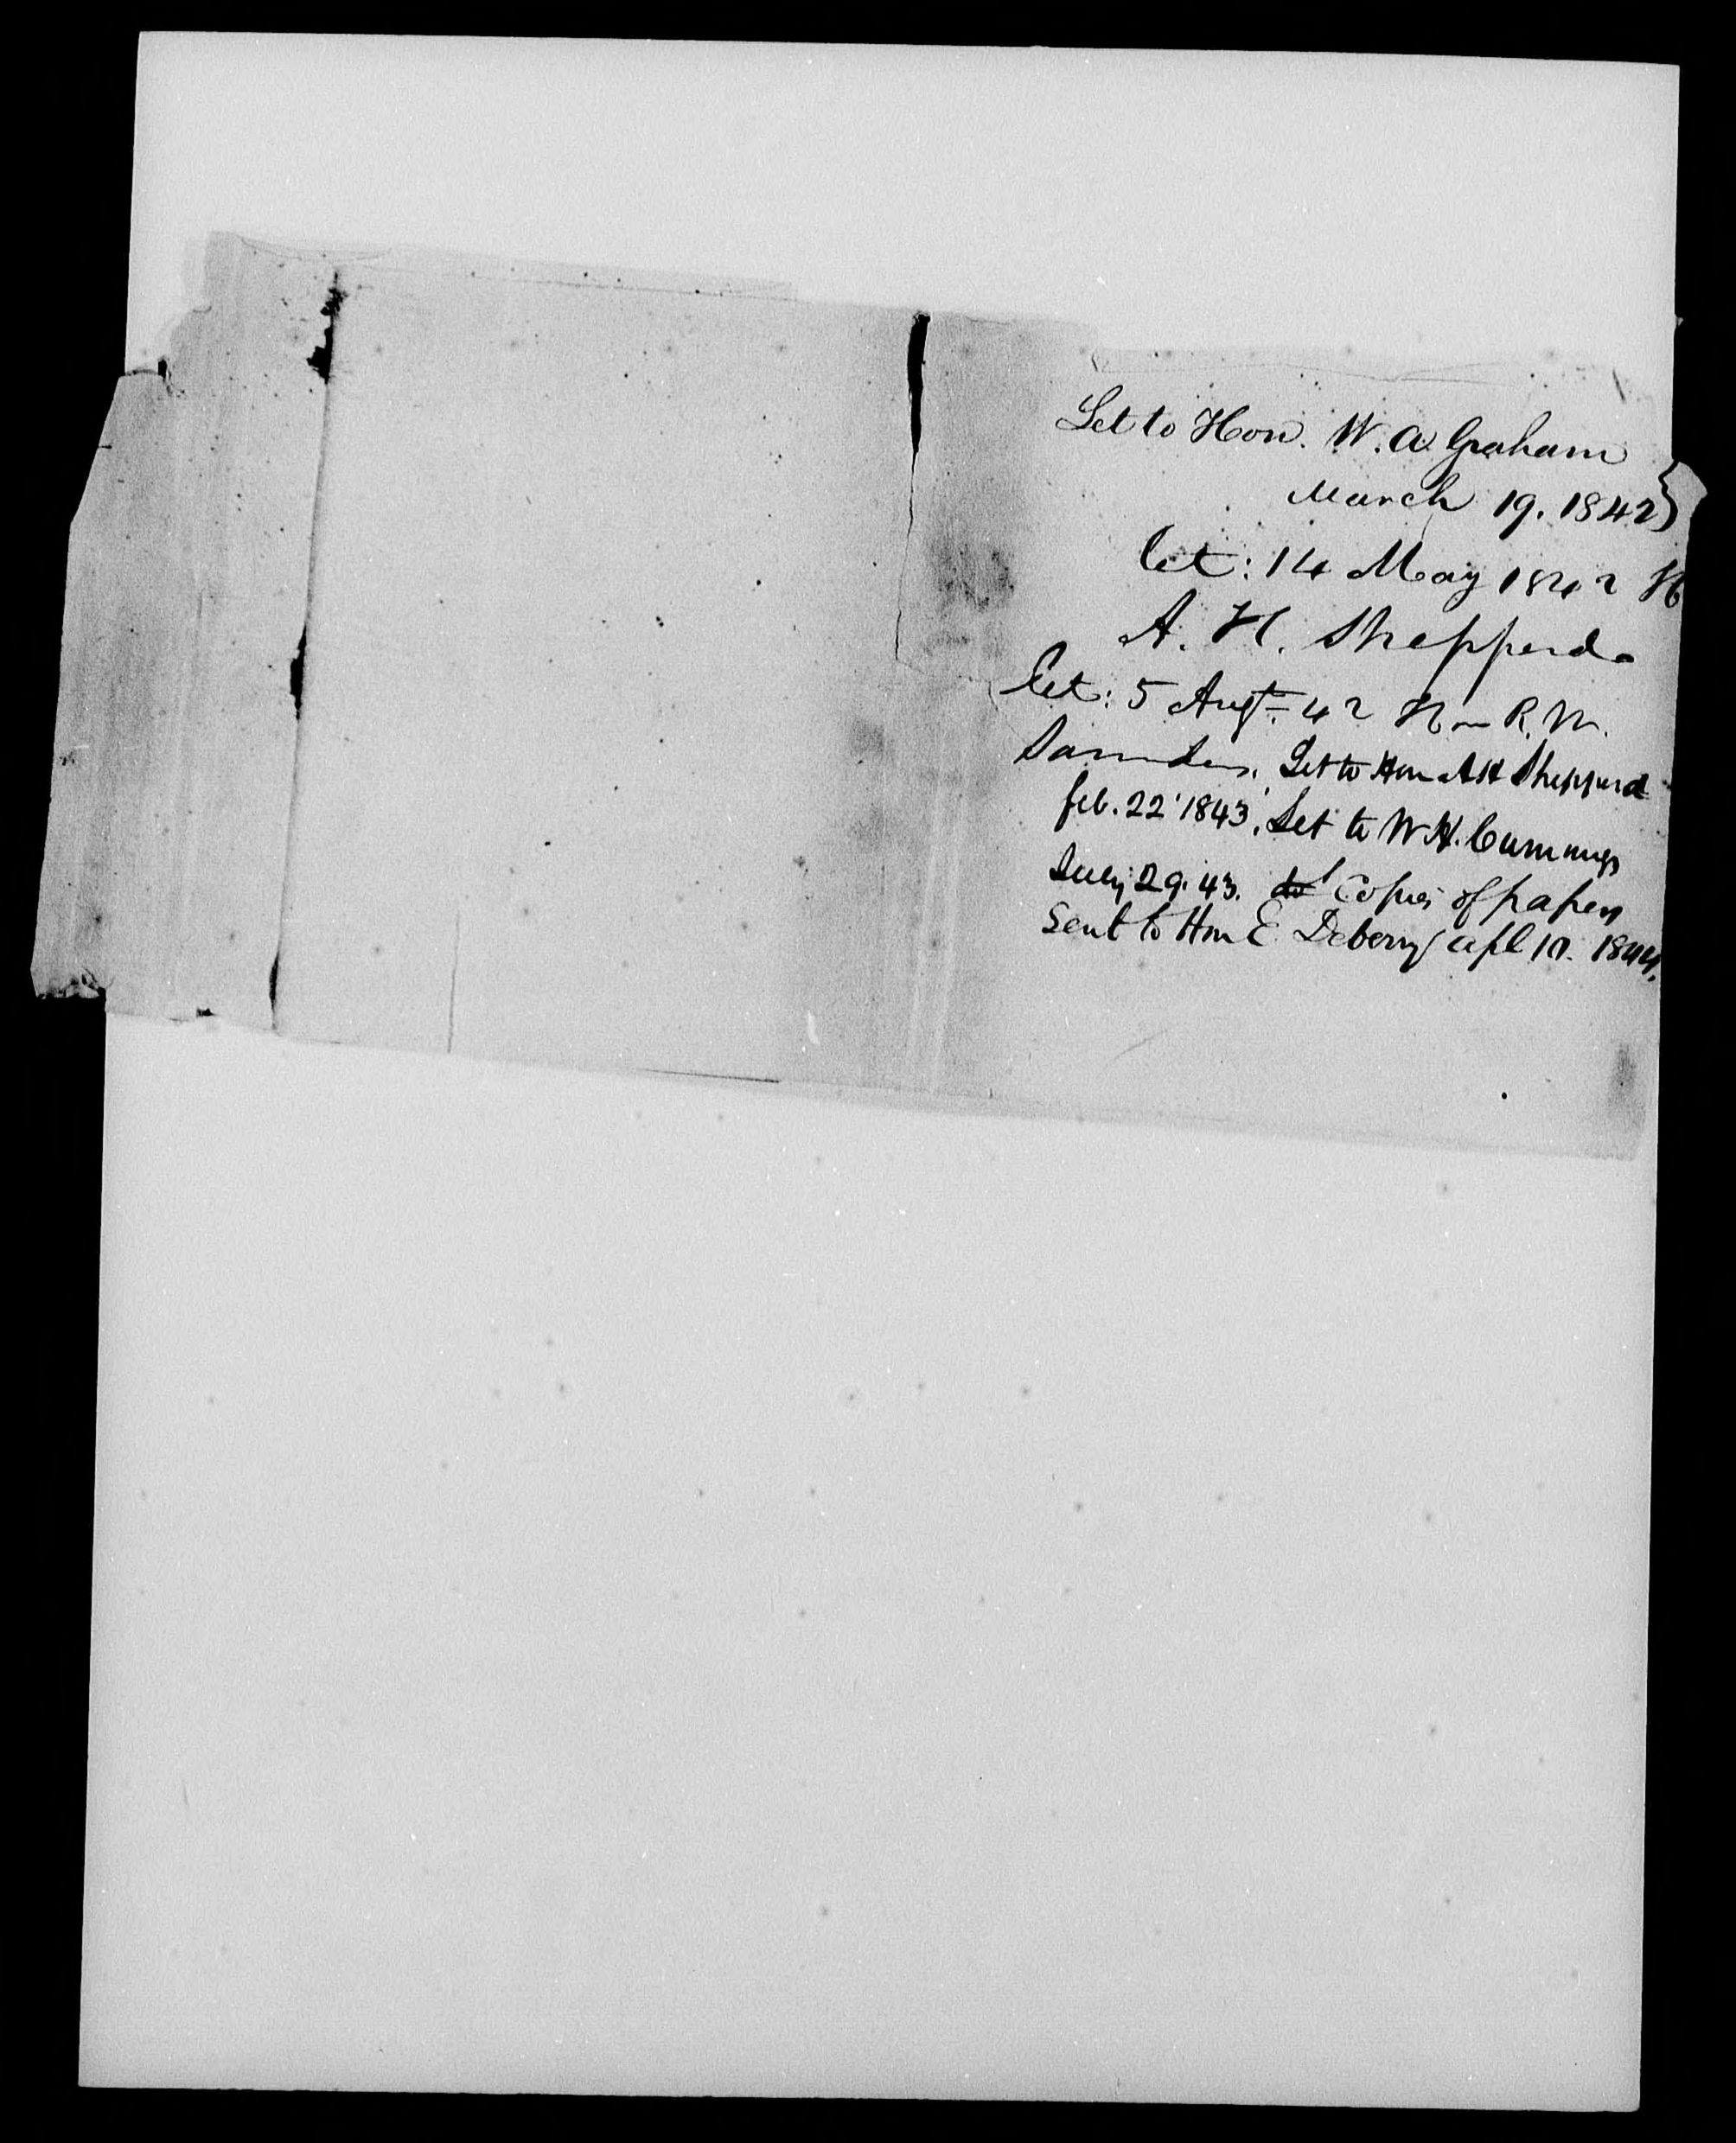[Hand-written record.  Document appears to be a continuation of list showing letters which had been sent out regarding this pension claim.]

Let [letter] to Hon. W. A. Graham)
March 19, 1842)

let: [letter] 14 May 1842 [?] H- [torn paper edge]
A. H. Shepperd

let: 5 Augt- 42 [1842] [?] Hon R. W. Sanders, Let to Hon A H Shepperd

Feb. 22 '1843, Let [letter] to W H. Cummings 

July 29, 43 [1843]. ["do" apparently meaning "ditto" was crossed through] Copies of papers Sent to Hon E Deberry Apl 10. 1844,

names: W H Cumings, A H Shepperd, A H Shepperd, R W Saunders, E Deberry, W A Graham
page: 16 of 145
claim: survivor's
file: S. 8265, William Cumming, N.C.